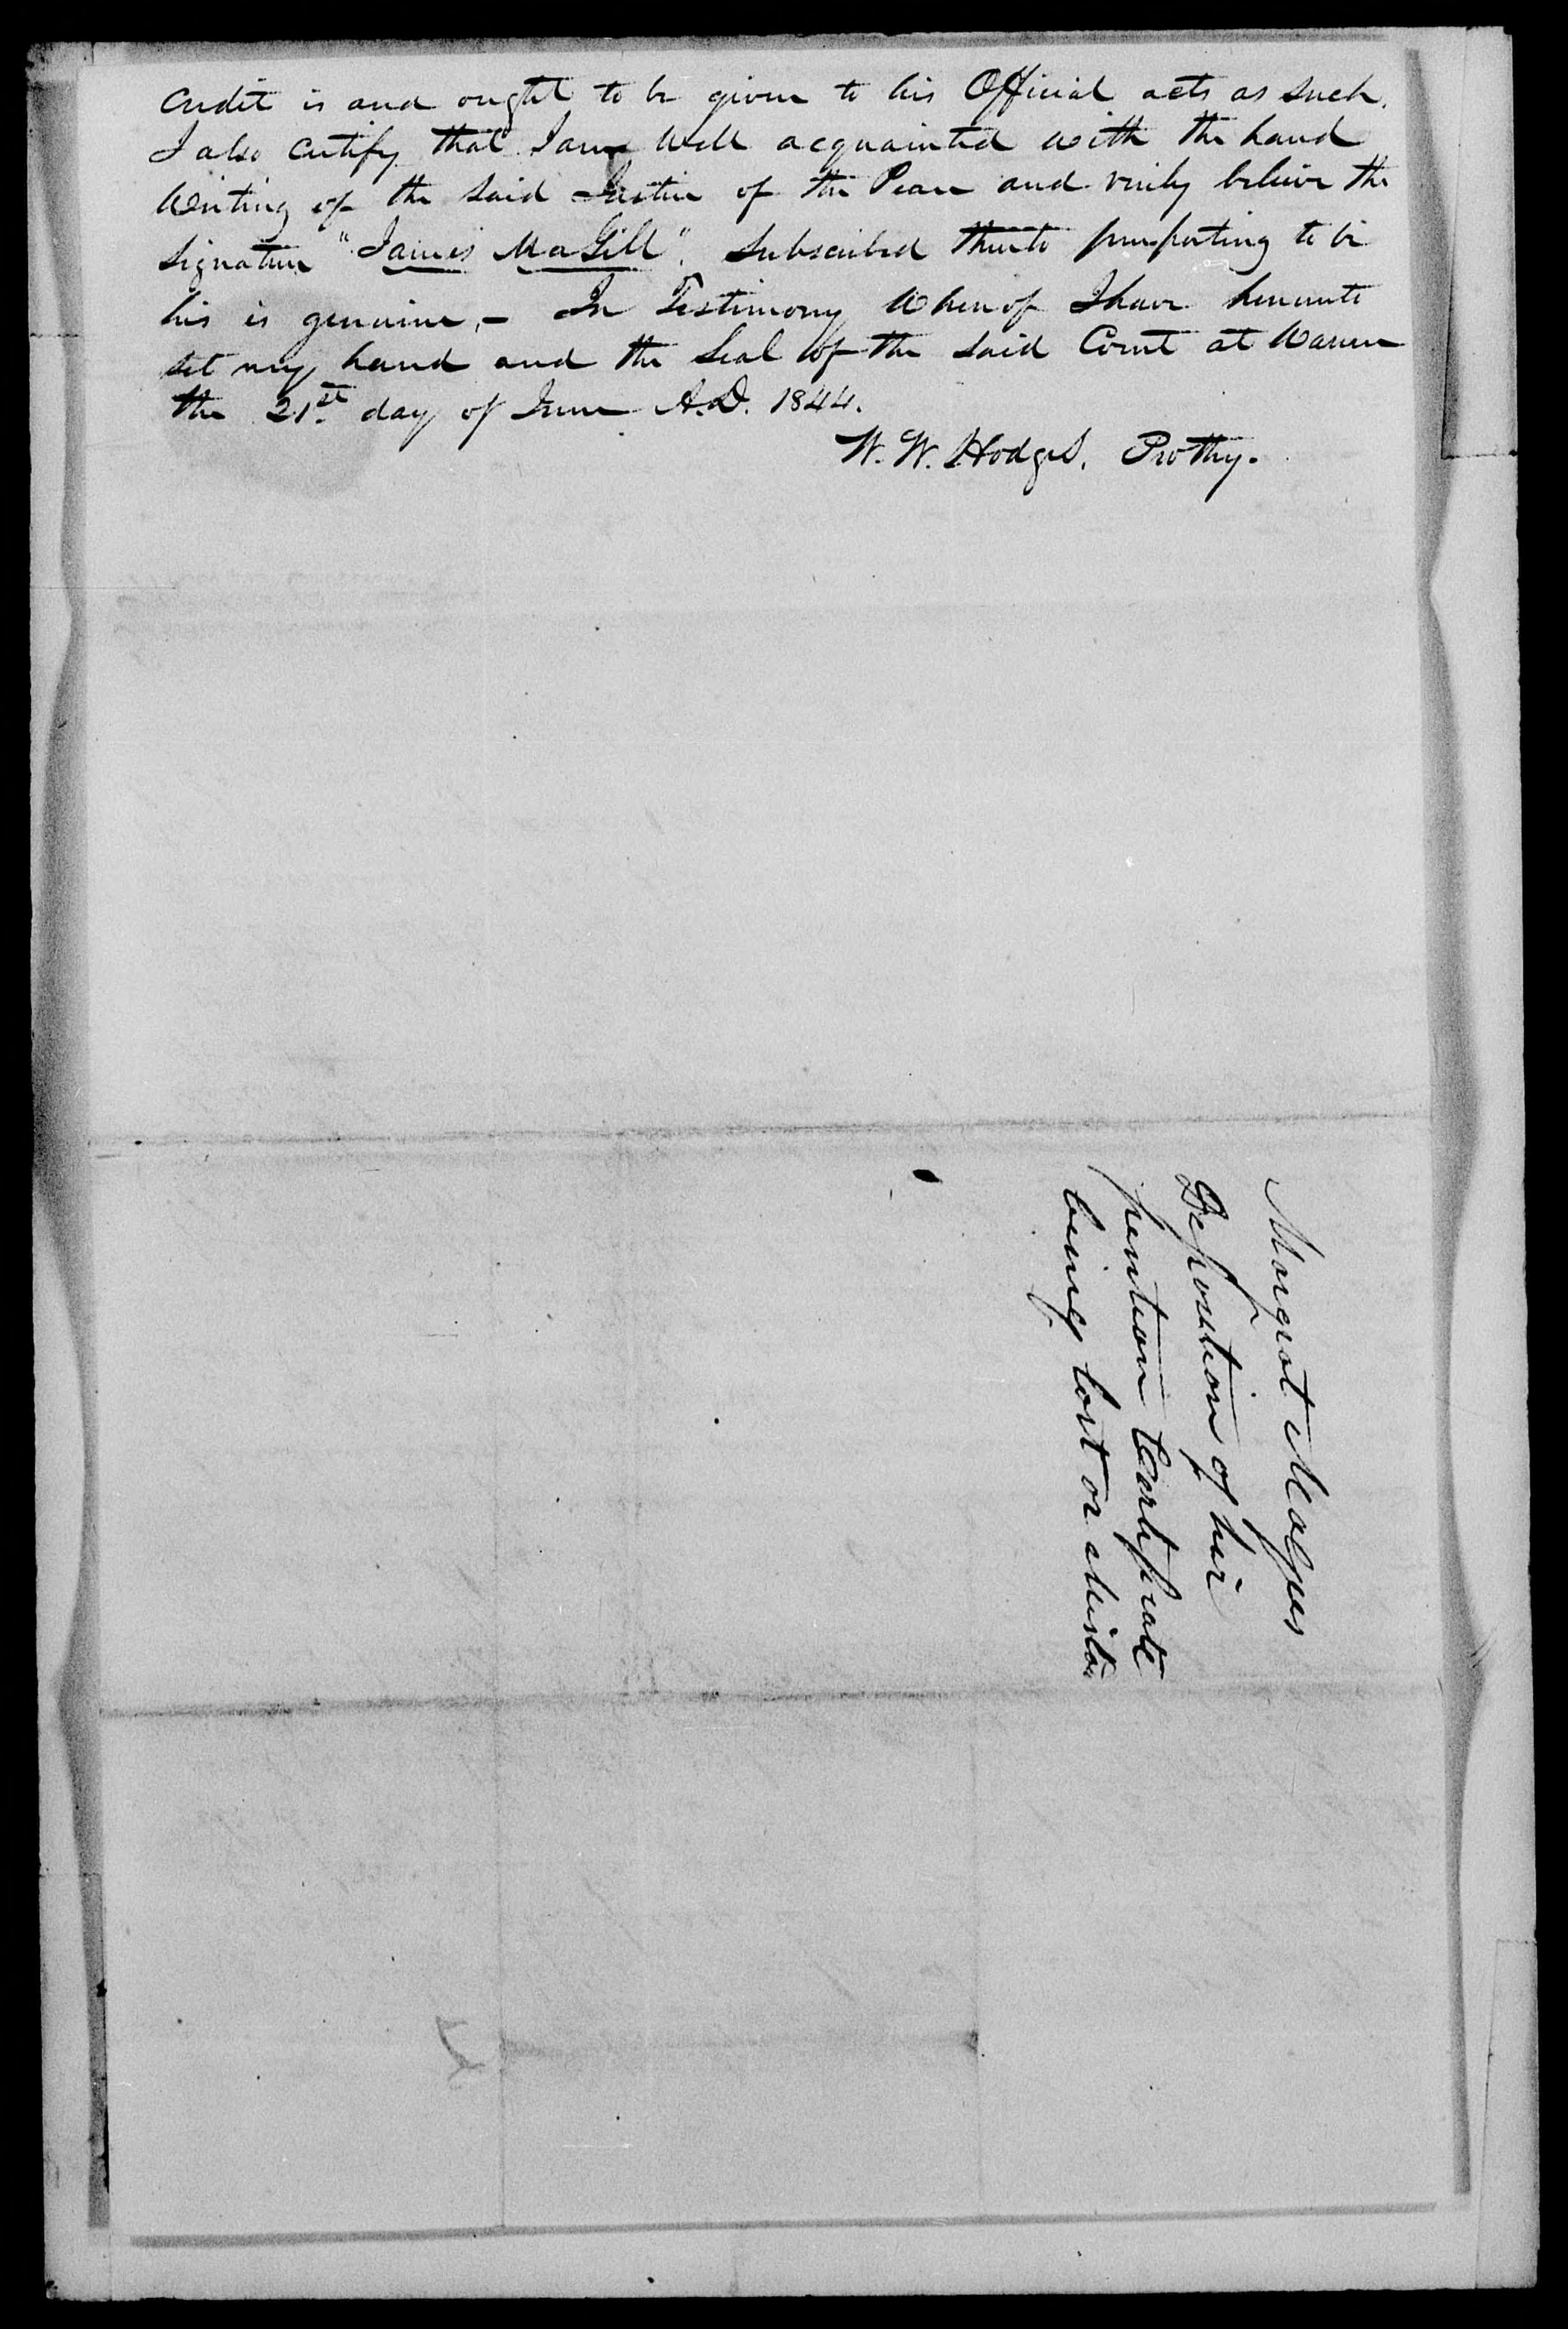(continution)

credit is and ought to be given to his official acts as such I also certify that I am well acquainted with the hand writing of the said Justice of the Peace and verily believe the Signature
"James MaGill", subscribed thereto purporting to be his is genuine.- In Testimony whereof I have hereunto set my hand and the Seal of the said Court at Warren the 21st day of June A.D. 1844

W. W. Hodges   Prothy.

(note on bottom)

Margaret MaGee
Deposition of her
pention Certificate
being lost or mislaid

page: 62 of 77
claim: widow's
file: W 2954, for James Mc Gee, Delaware